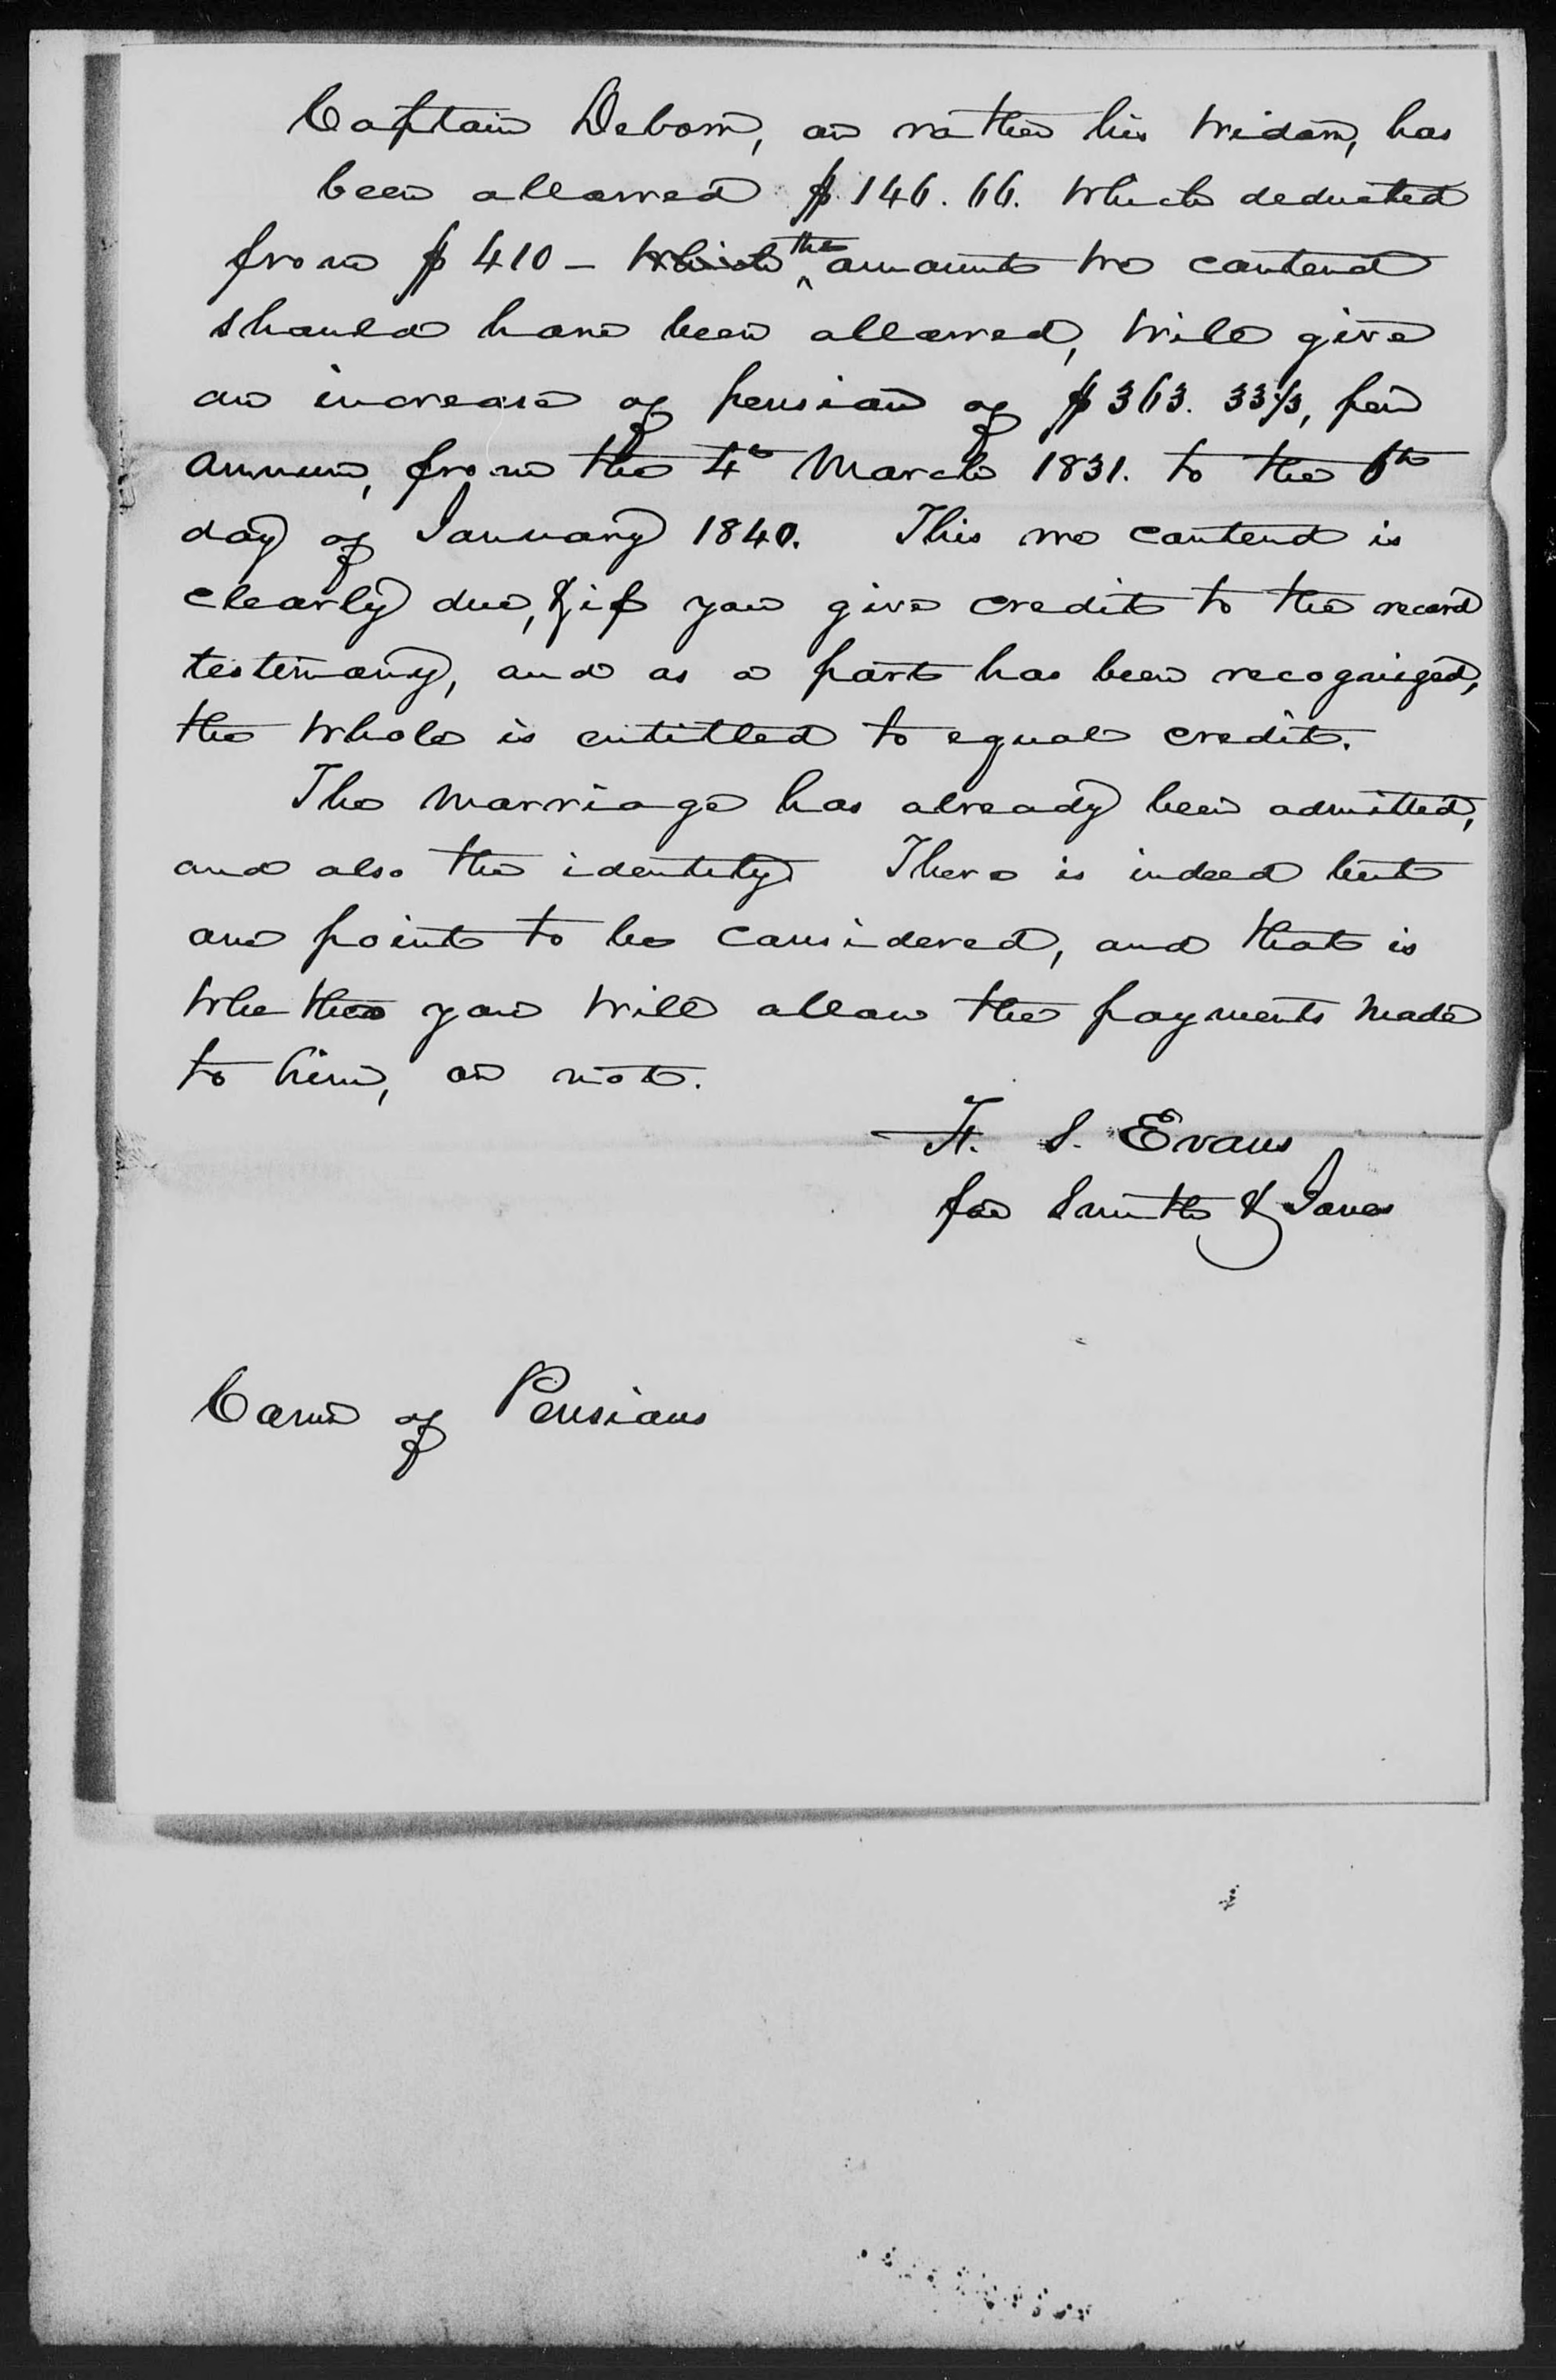Captain Debow, as [illegible] his widow has been allowed $146.66. Which deducted from $410 – [struck though] [insert mark] the amounts [illegible] contend should have been allowed, will give an increase of pension of $363.33ys, for annum, from his 4th March 1831 to the 6th day of January 1840. This [illegible] content id clearly due, [illegible] you give credits to his record testimony, and as a parts has been recognized, the whole is entitled to equal credits.
This marriage has already been admitted, and also this identity. There is indeed [illegible] and points to be considered, and that is who [illegible] [illegible] and will allow the payments heads to him, as noted.
		F S Evans
	For Saints and [illegible]

Law of Pensions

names: Debow, F S Evans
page: 51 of 62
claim: widow's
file: W 7005, Frederick Debow, N.C.